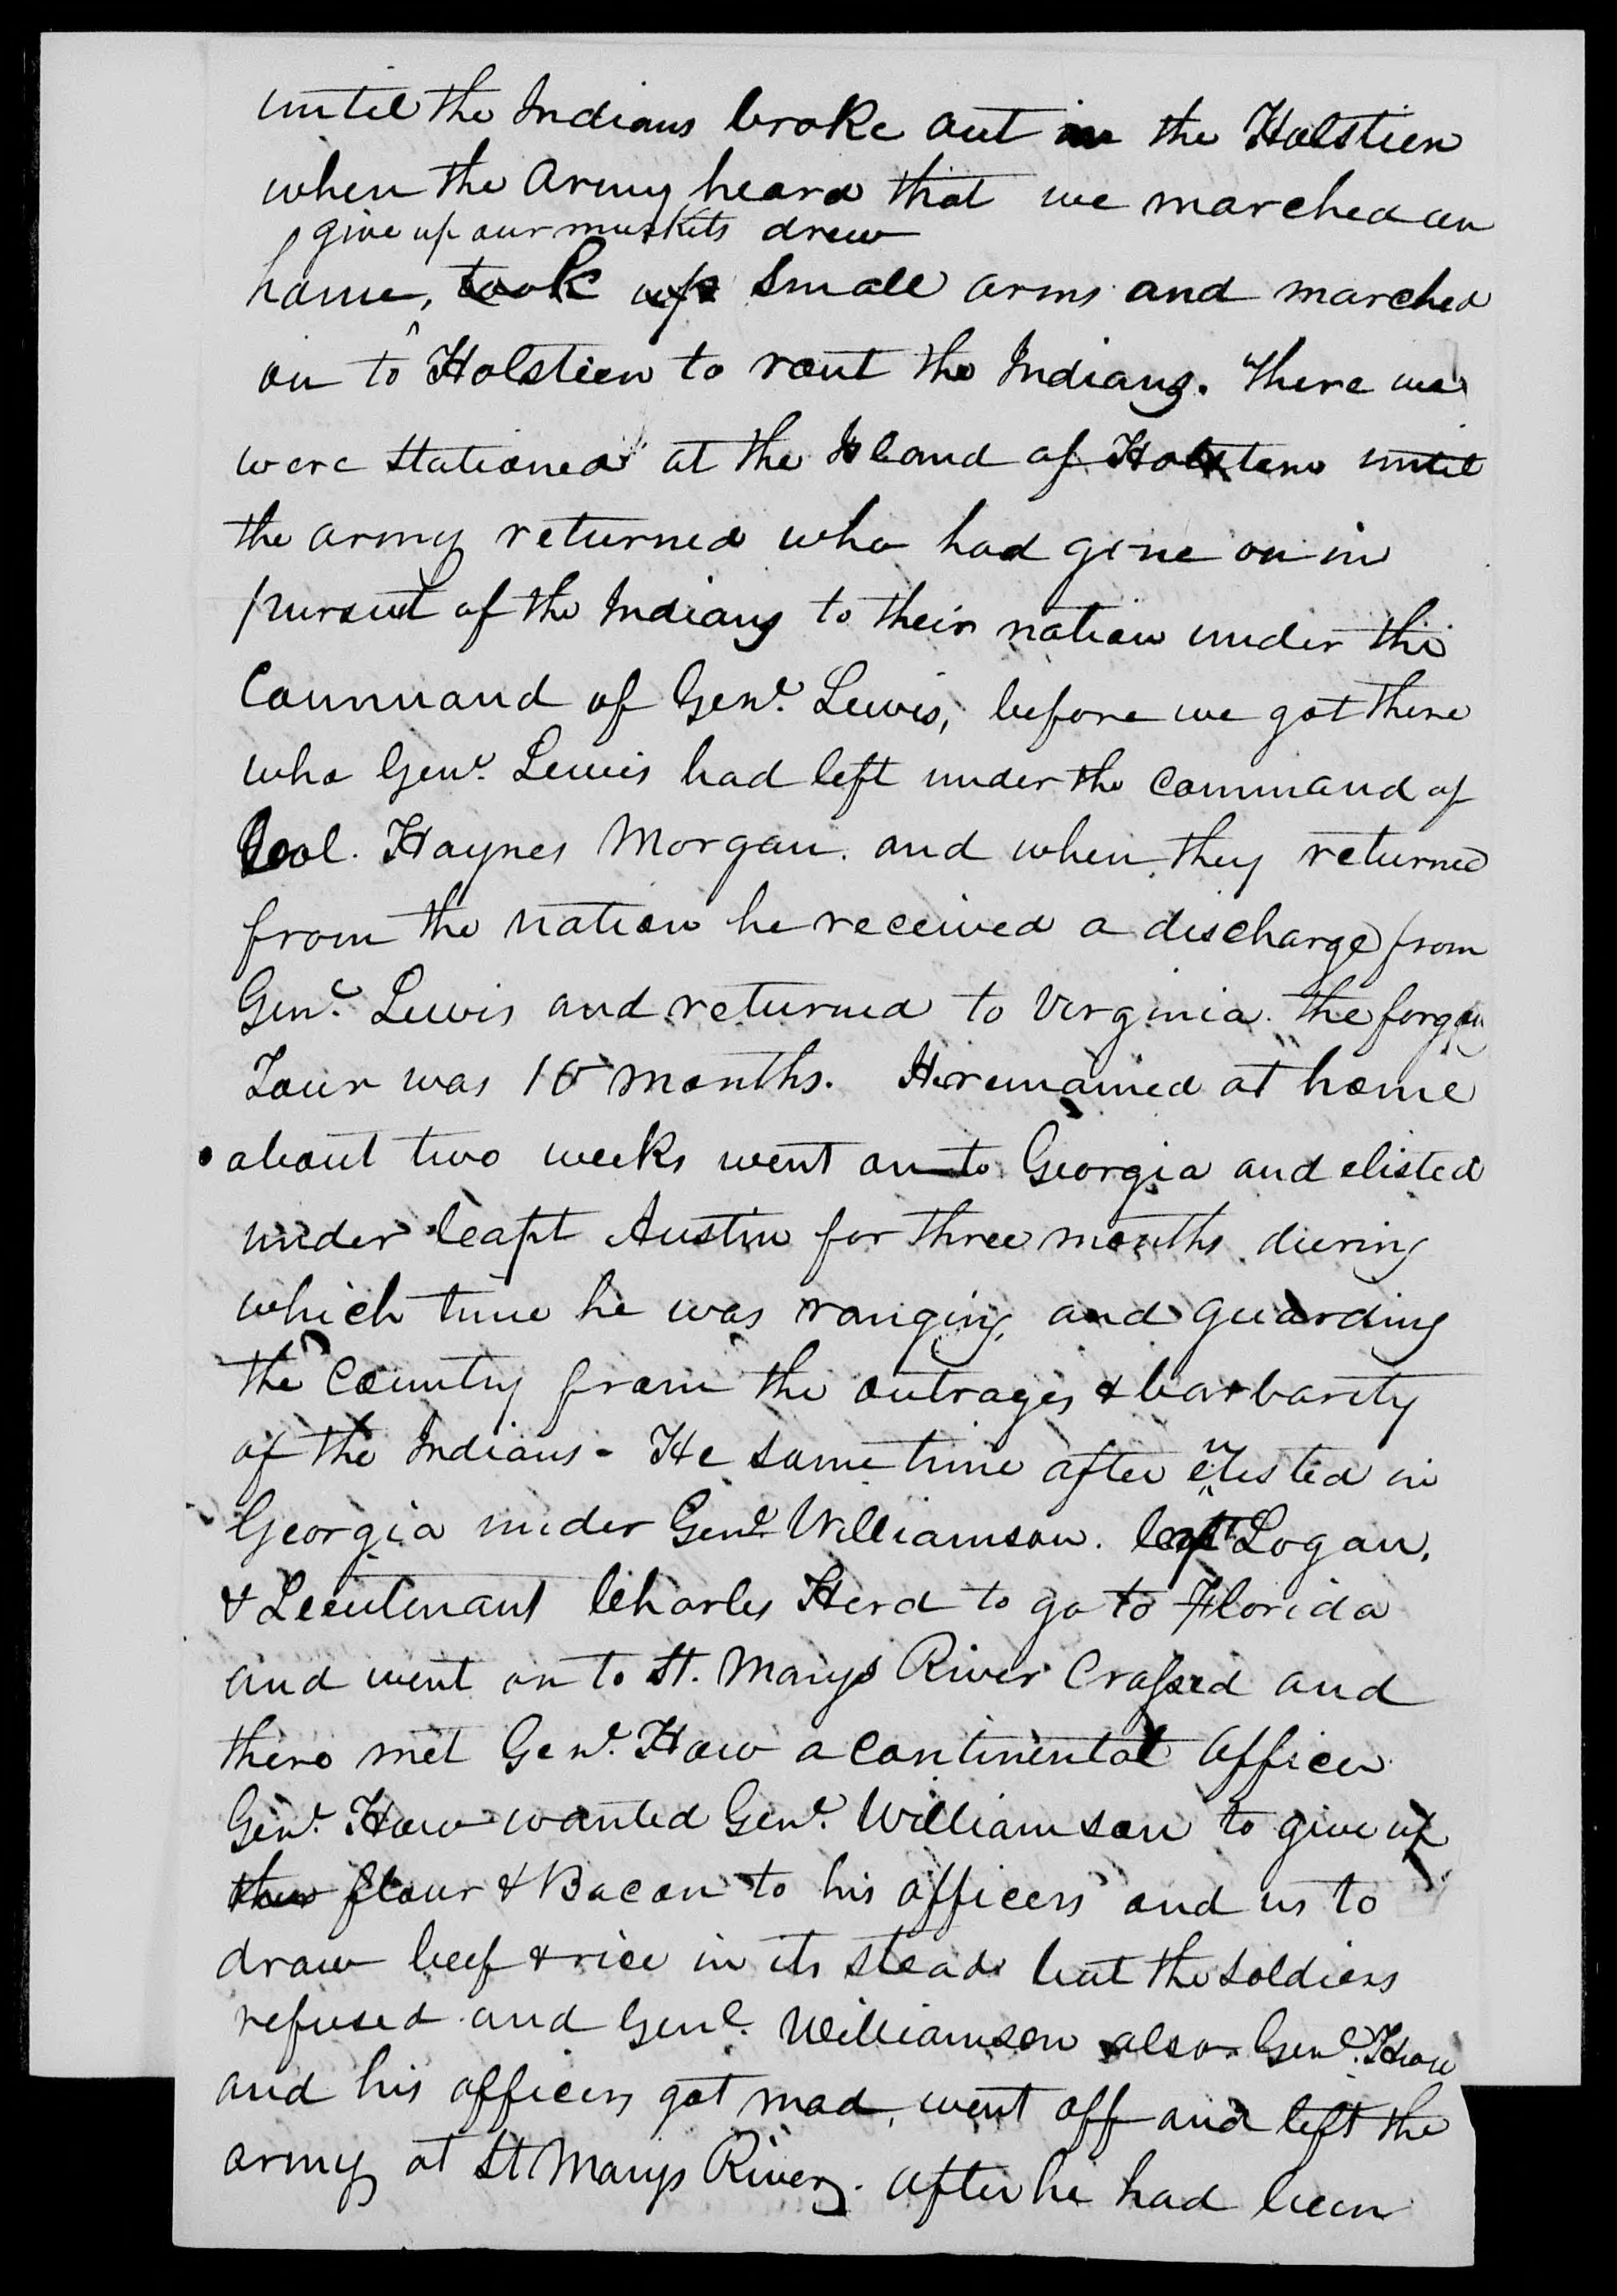until the Indians broke out in the Halstien when the army heard that we marched on home, give up our muskets drew small arms and marched on to Holstien to rout the Indians. There we were stationed at the Island of Halsten until the army returned who had gone on in pursuit of the Indians to their nation under the Command of Genl. Lewis, before we got there who Genl. Lewis had left under the Command of Col. Haynes Morgan, and when they returned from the nation he received a discharge from Gen. Lewis and returned to Virginia. The forgoing Tour was 10 months. He remained at home about two weeks went over to Georgia and enlisted under Capt. Austin for three months during which time he was ranging and guarding the County from the outrages and barbarity of the Indians. He sometime after enlisted in Georgia under Gen. Williamson. Capt. Logan & Lieutenant Charles Herd to go to Florida and went on to St. Marys River Crossed and there met Genl. How[e] a Continental Officer. Genl. Howe wanted Genl. Williamson to give up  flour & Bacon to his officers and us to draw beef & rice in its stead but the soldiers refused and Genl. Williamson also Gen. Howe and his officers got mad, went off and left the army at St Marys River. after he had been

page: 5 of 28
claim: survivor's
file: S. 16,470, for William Mc Kinney, Georgia